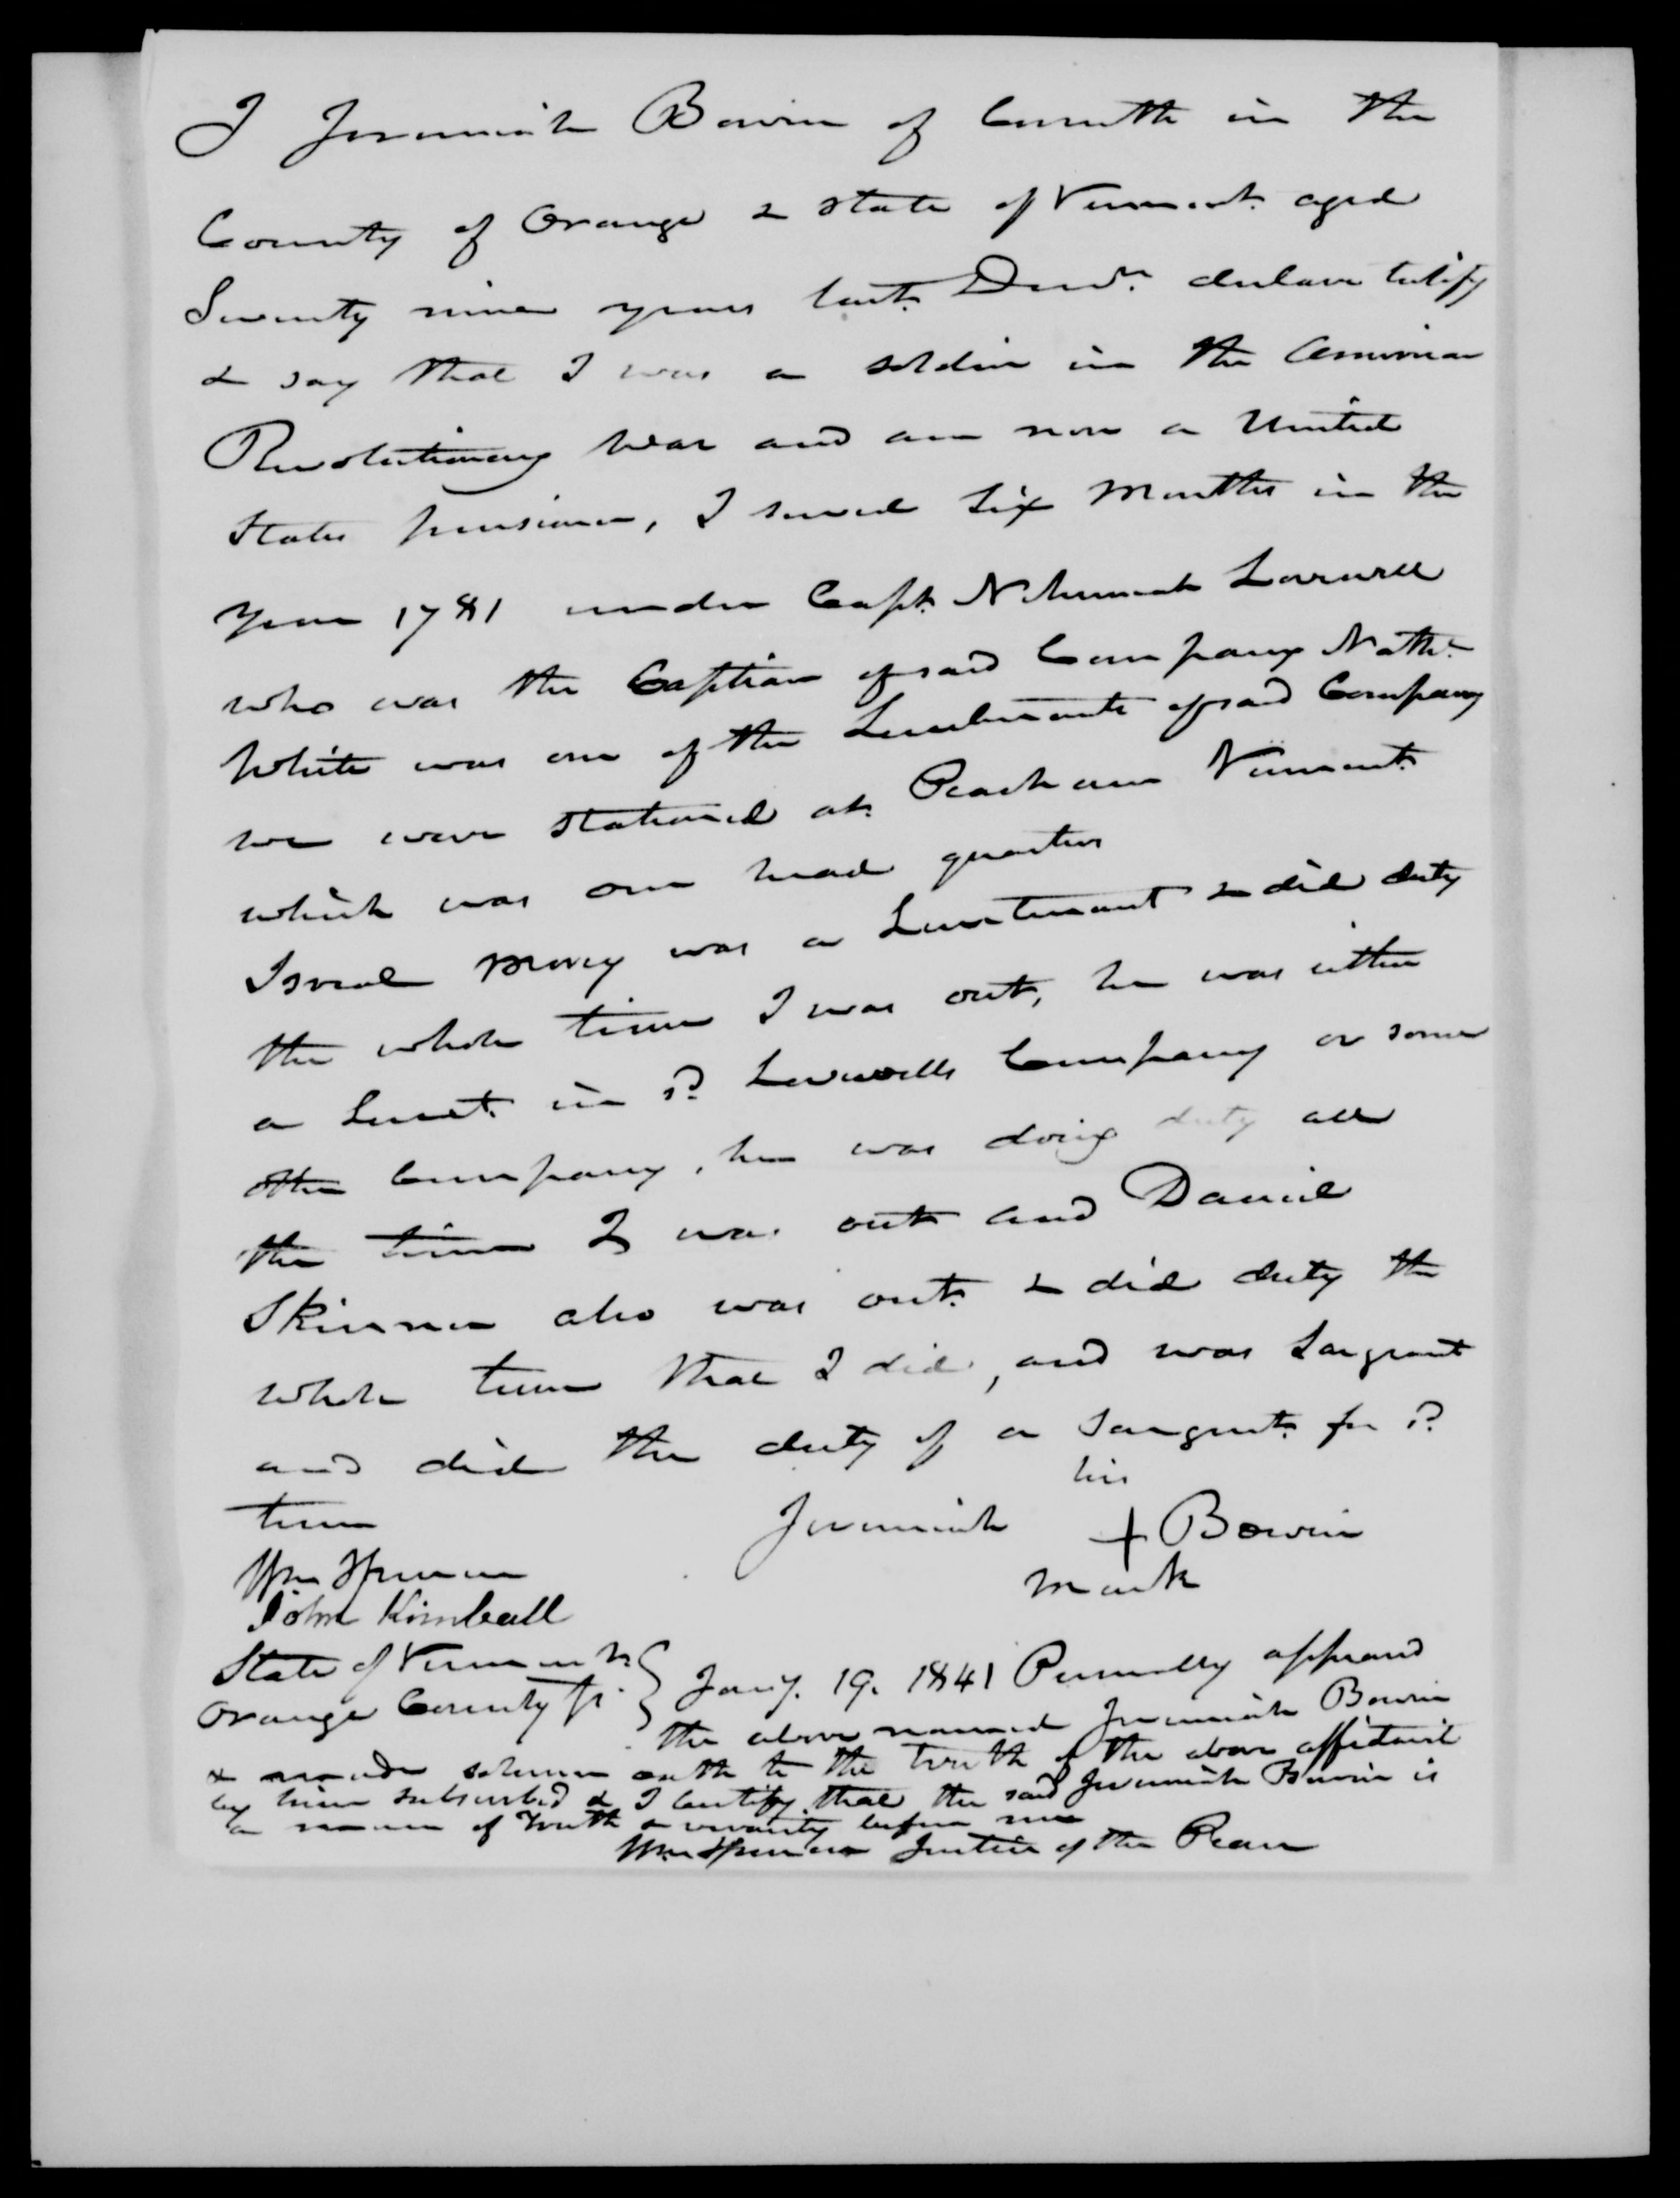I Jeremiah Bowin of (illegible) in the
County of Orange & State of Vermont aged
Seventy nine years (illegible) declare testify
& say that I was a soldier in the American
Revolutionary war and am now a United States
pensioner, I served six months in the
year 1781 under Capt Nehemiah Loverrell
who was the Caption of said Company Nathan'l
White was one of the Lieutenants of said Company.
we were stationed at Peacham Vermont
which was our head quarters.
Isreal Morey was a Lieutenant & did duty
the whole time I was out, he was either
a Lieut. in Sd. Loverrell's Company or some
other Company.  he was doing duty all
the time I was out and Daniel
Skinner also was out & did duty the
whole time that I did, and was Sargeant
and did the duty of a Sargent for ?
time.   (signed) Jeremiah X Bowin his mark
Wm. Skinner
John Kimball

State of Vermont
Orange County SS ⎬ Jany 19. 1841 Personally appeared
the above named Jeremiah Bowin
& made solemn oath to the truth of the above affidavit
by him subscribed & I certify that the said Jeremiah Bowin is
a man of truth and veracity. before me
Wm. Skinner Justice of the Peace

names: Nehemiah Loverrell; Daniel Skinner; Jeremiah Bowin; Jeremiah Bowin; Jeremiah Bowin; Wm Spencer; Wm Spencer; Jeremiah Bowin; John Kimball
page: 22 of 46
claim: widow's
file: W. 24976, for Daniel Skinner, New Hampshire